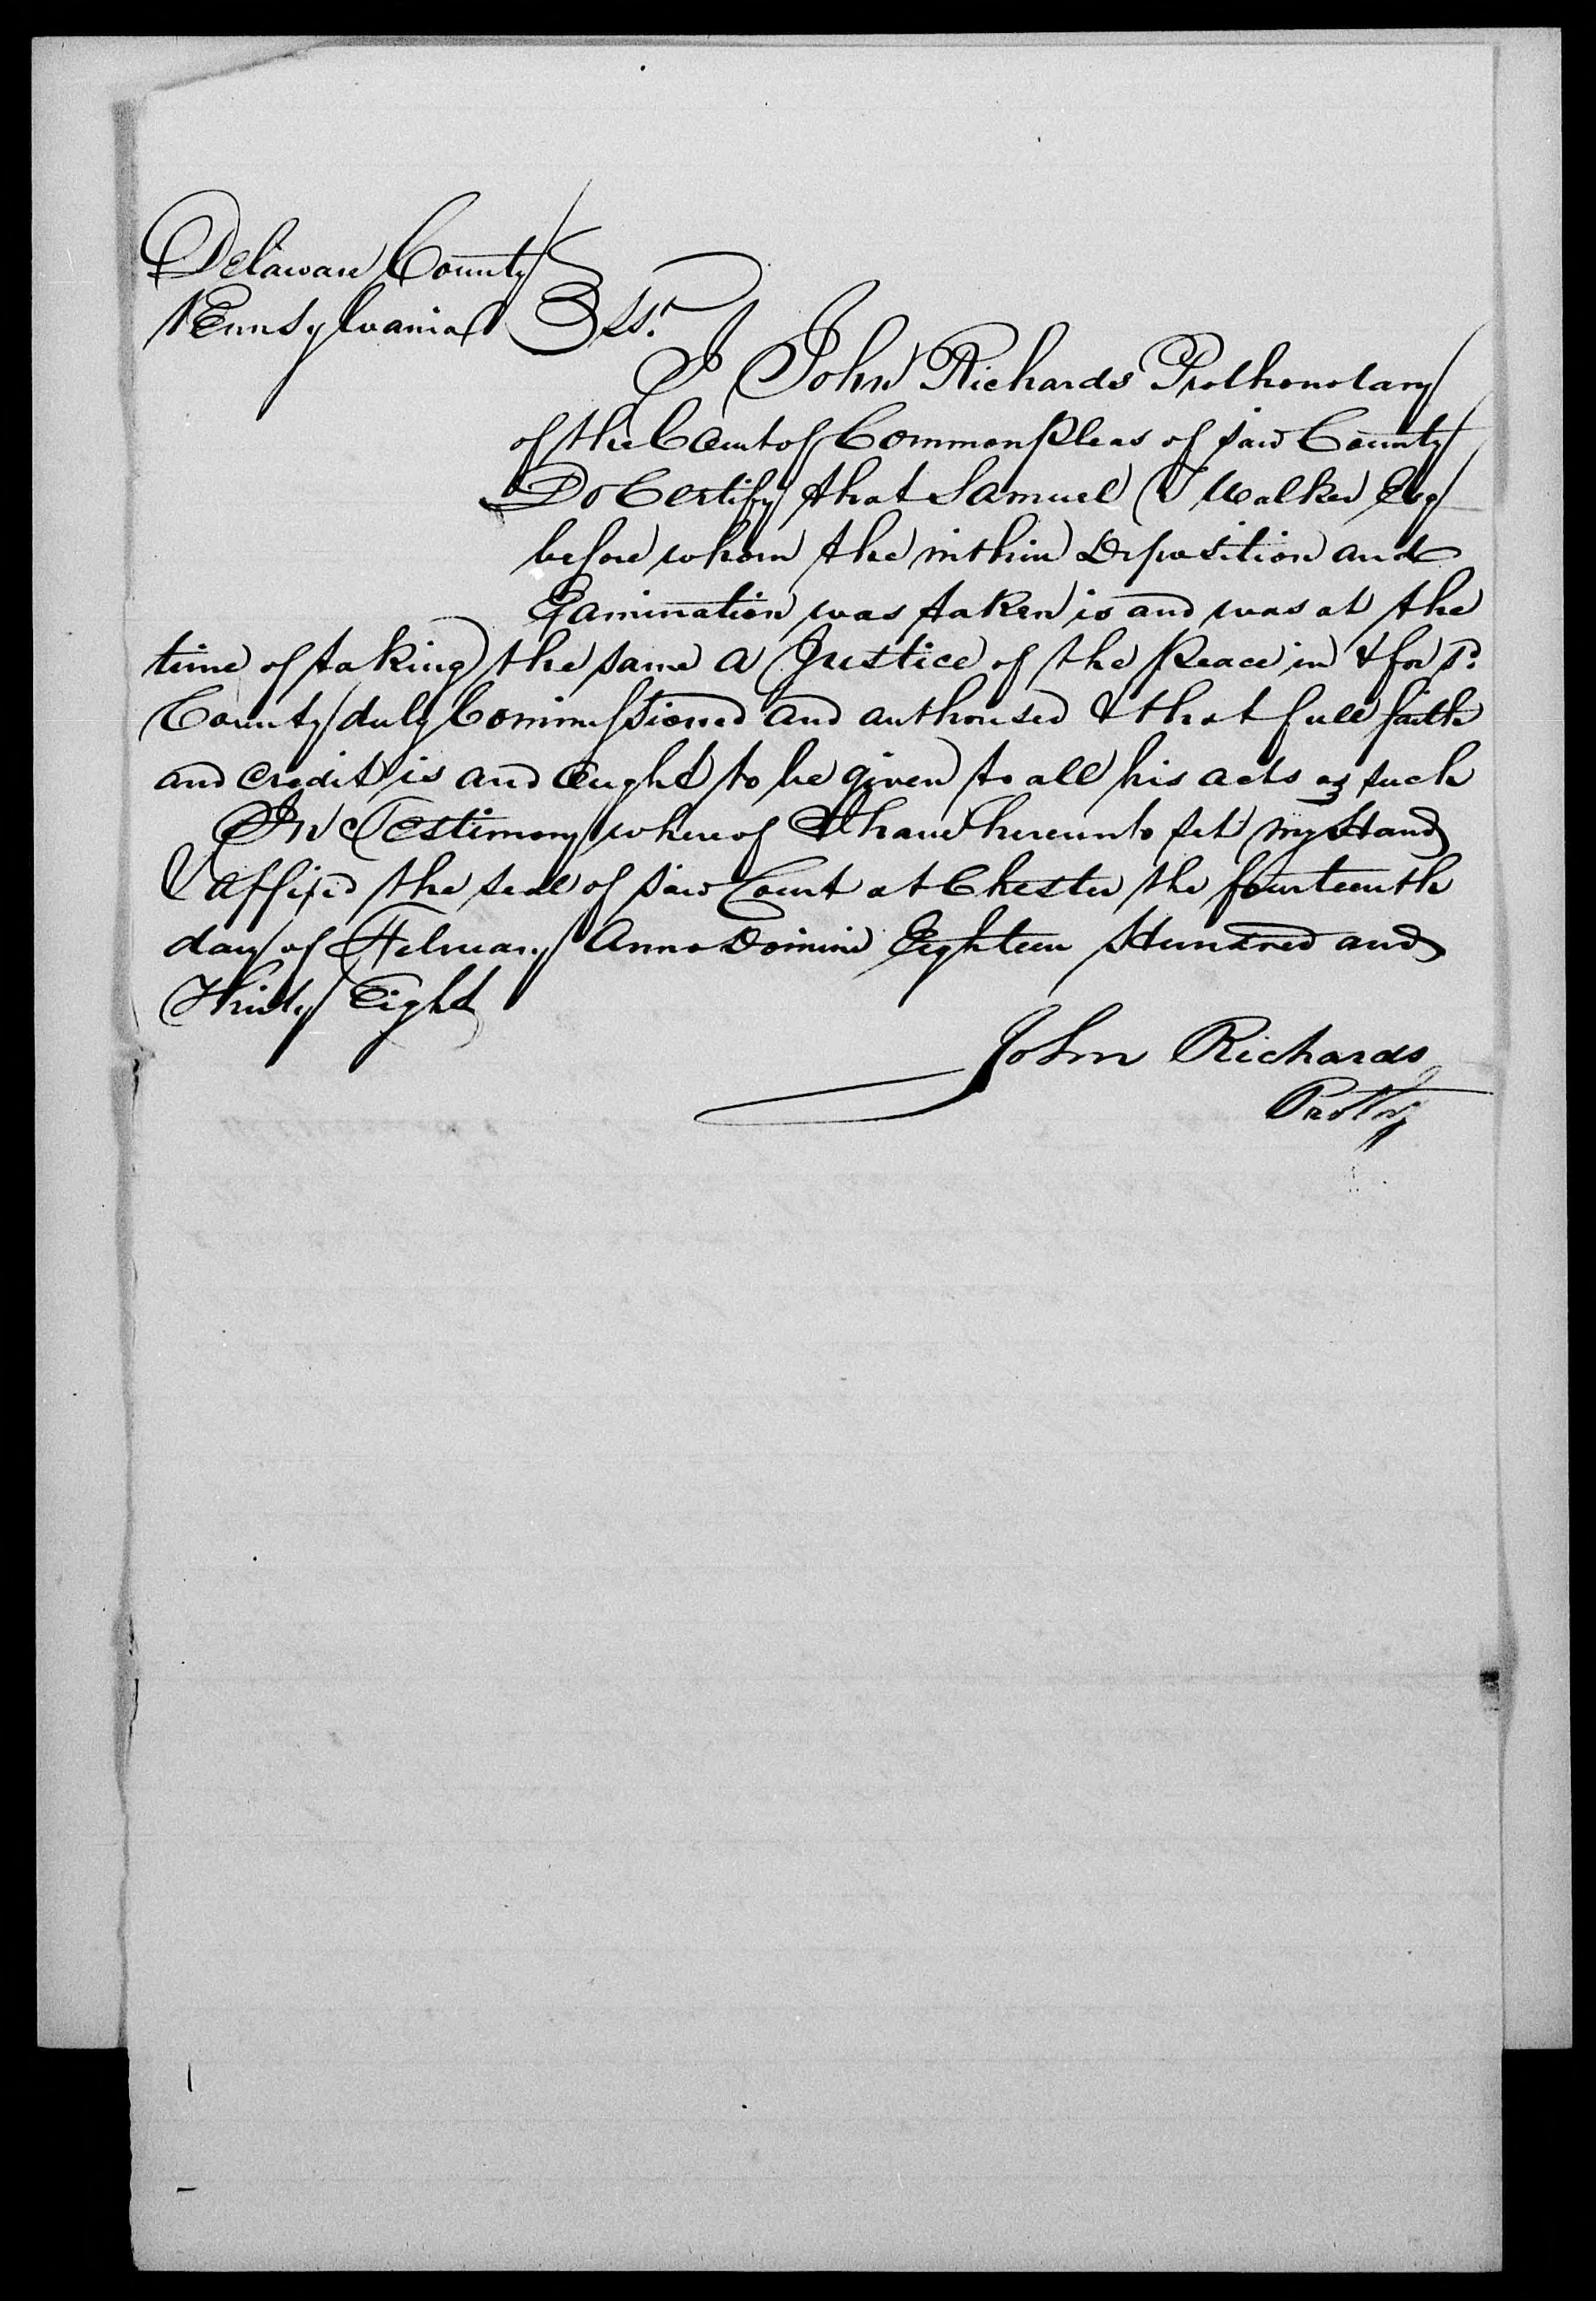Delaware County
Pennsylvania

I John Richards Prothonotary of the Court of Common Pleas of said County do Certify that Samuel Walker Esq before whom the within deposition and examination was taken is and was at the time of taking the same a Justice of the Peace in & for said County duly Commissioned and authorized & that full faith and credit is and ought to be given to all his acts as such

In testimony whereof I have hereunto set my hand & affixed the seal of said Court at Chester the fourteenth day of February Anno Dominion Eighteen Hundred and Thirty Eight.

John Richards
Prothy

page: 68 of 86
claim: widow's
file: W. 3571, for David Marshall, Pennsylvania